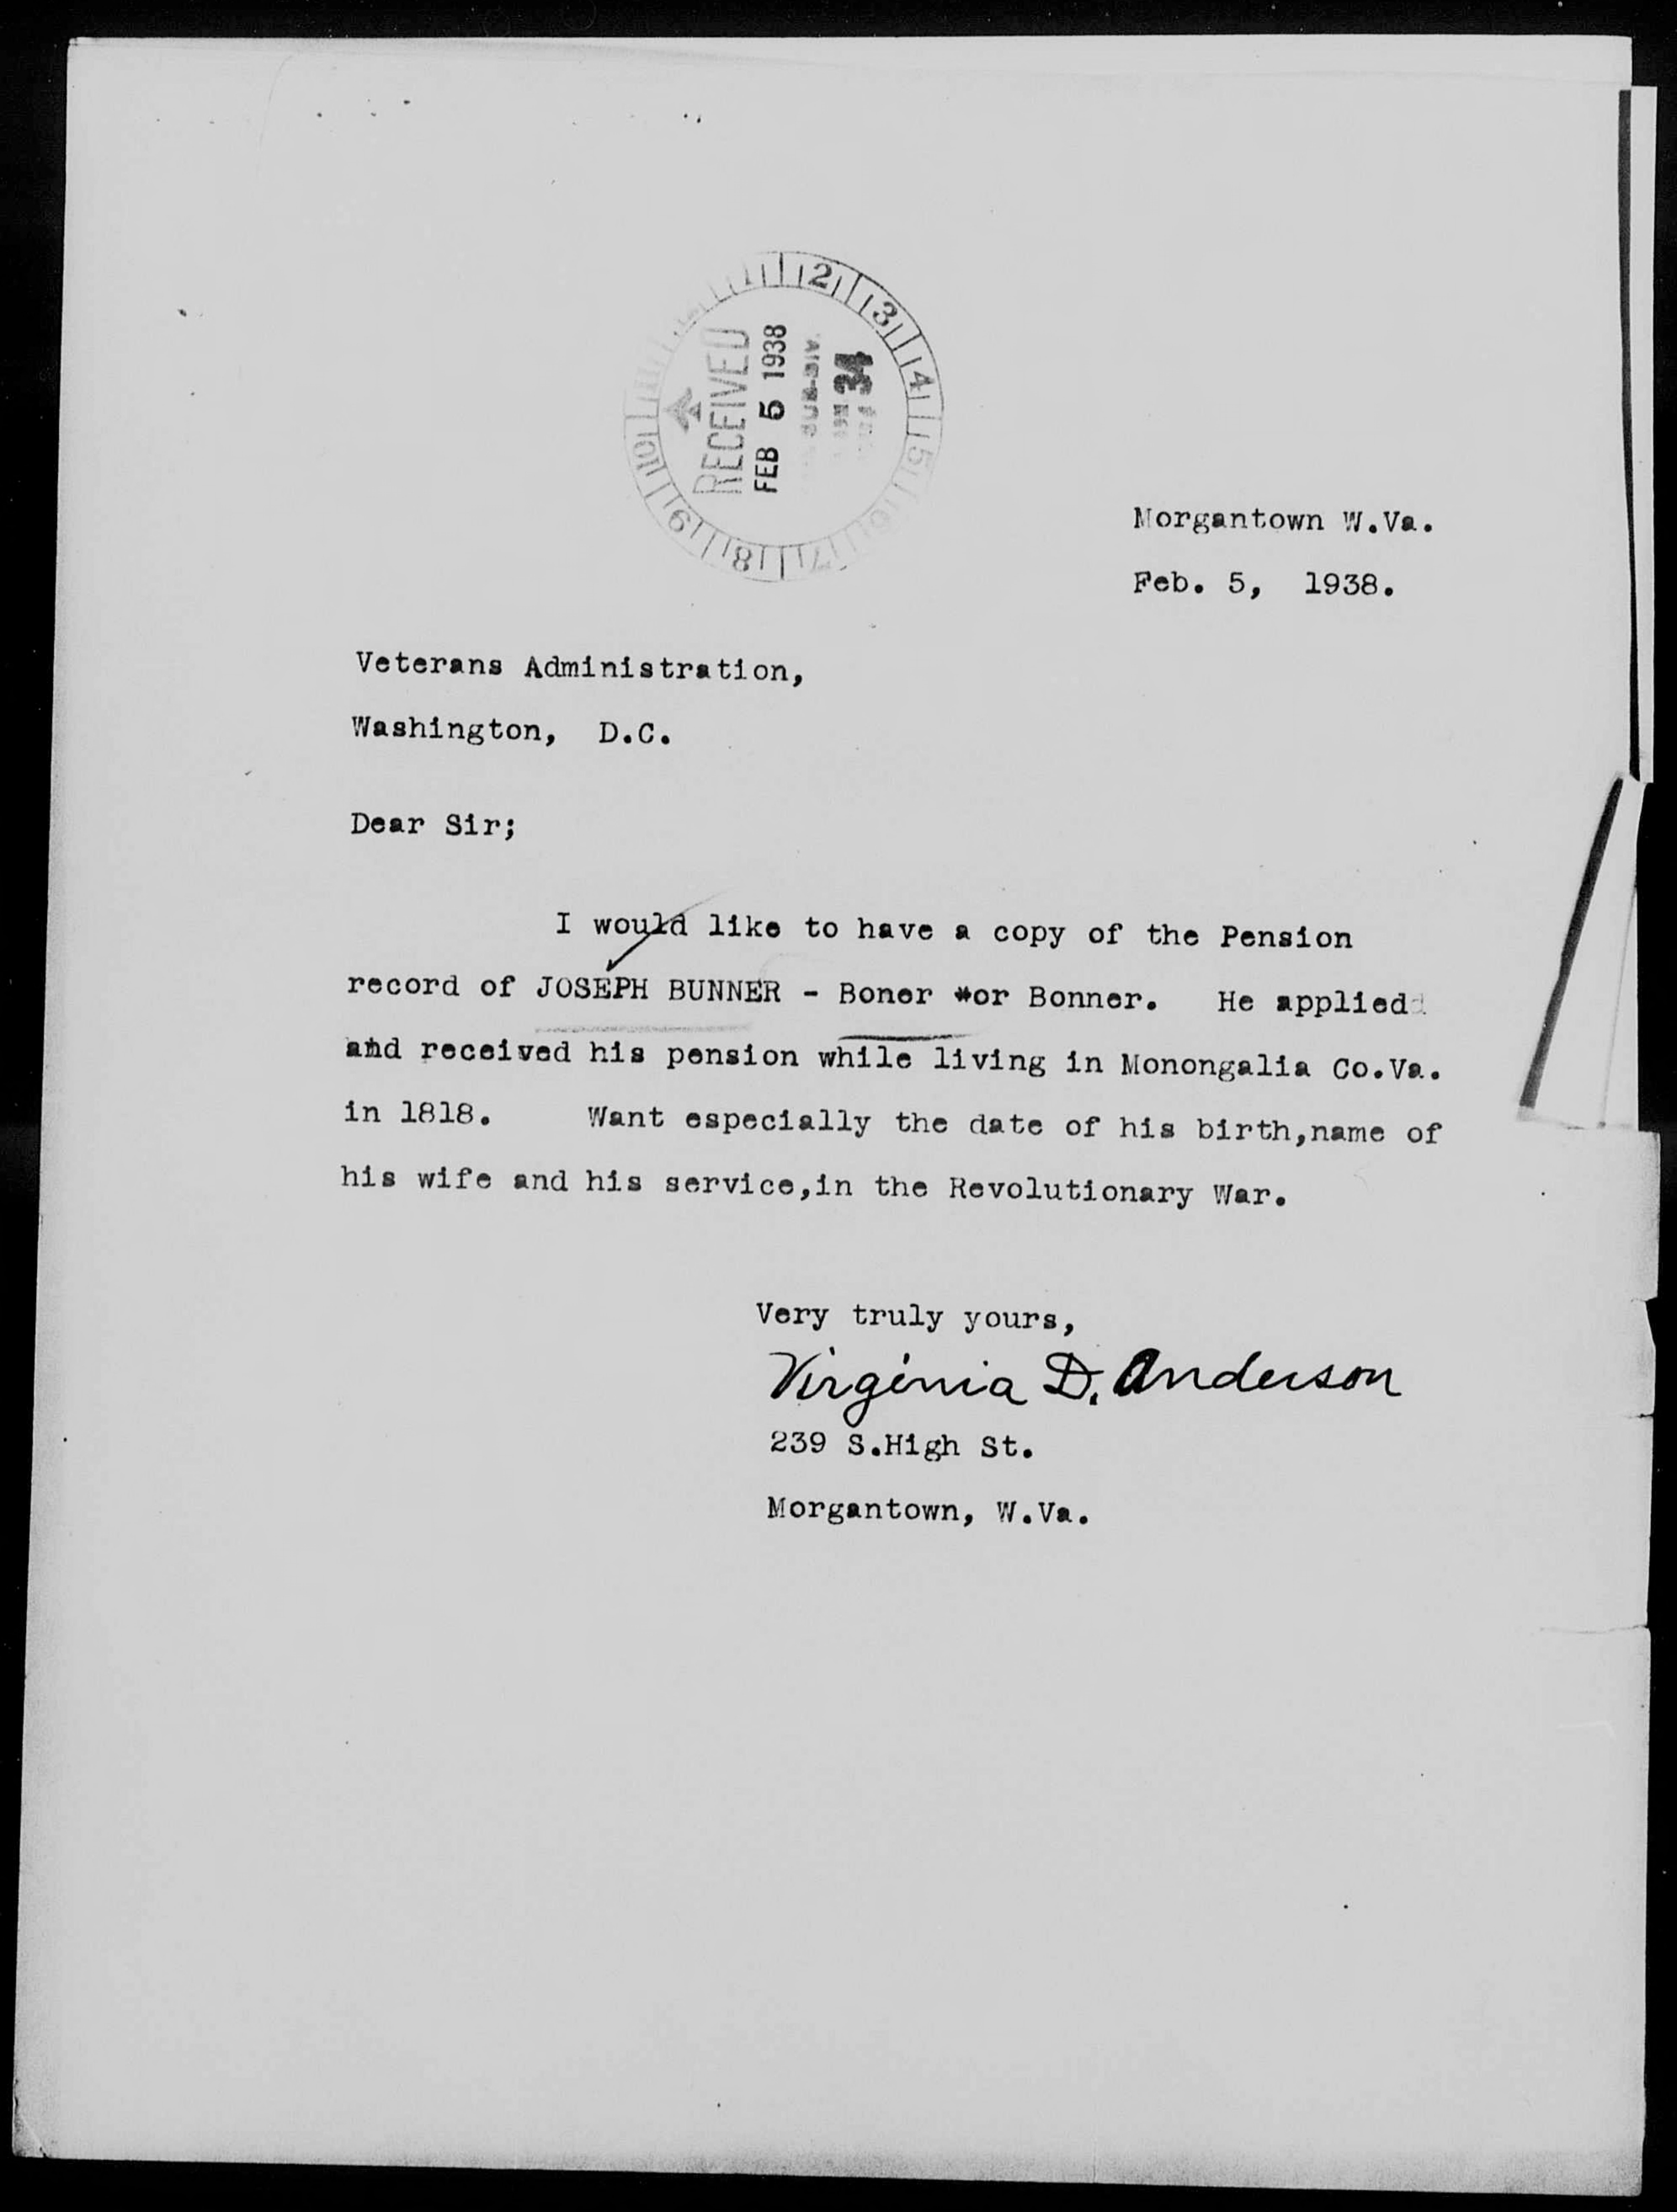stamped RECEIVED
FEB 5 1938
SUB-DIV
34
(rest unreadable)

Morgantown, W. Va.
Feb. 5, 1938.

Veterans Administration,
Washington, D. C.

Dear Sir;

I would like to have a copy of the Pension record of JOSEPH BUNNER-Boner *or Bonner. He applied and received his pension while living in Monongalia Co., Va. in 1818.  Want especially the date of his birth, name of his wife and his service, in the Revolutionary War.

Very truly yours,
Virginia D. Anderson (written signature)
239 S. High St.
Morgantown, W. Va.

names: Joseph Boner, Joseph Bunner, Virginia D Anderson, Joseph Bunner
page: 15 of 20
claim: survivor's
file: S. 40,021, Joseph Bonner, Penn.